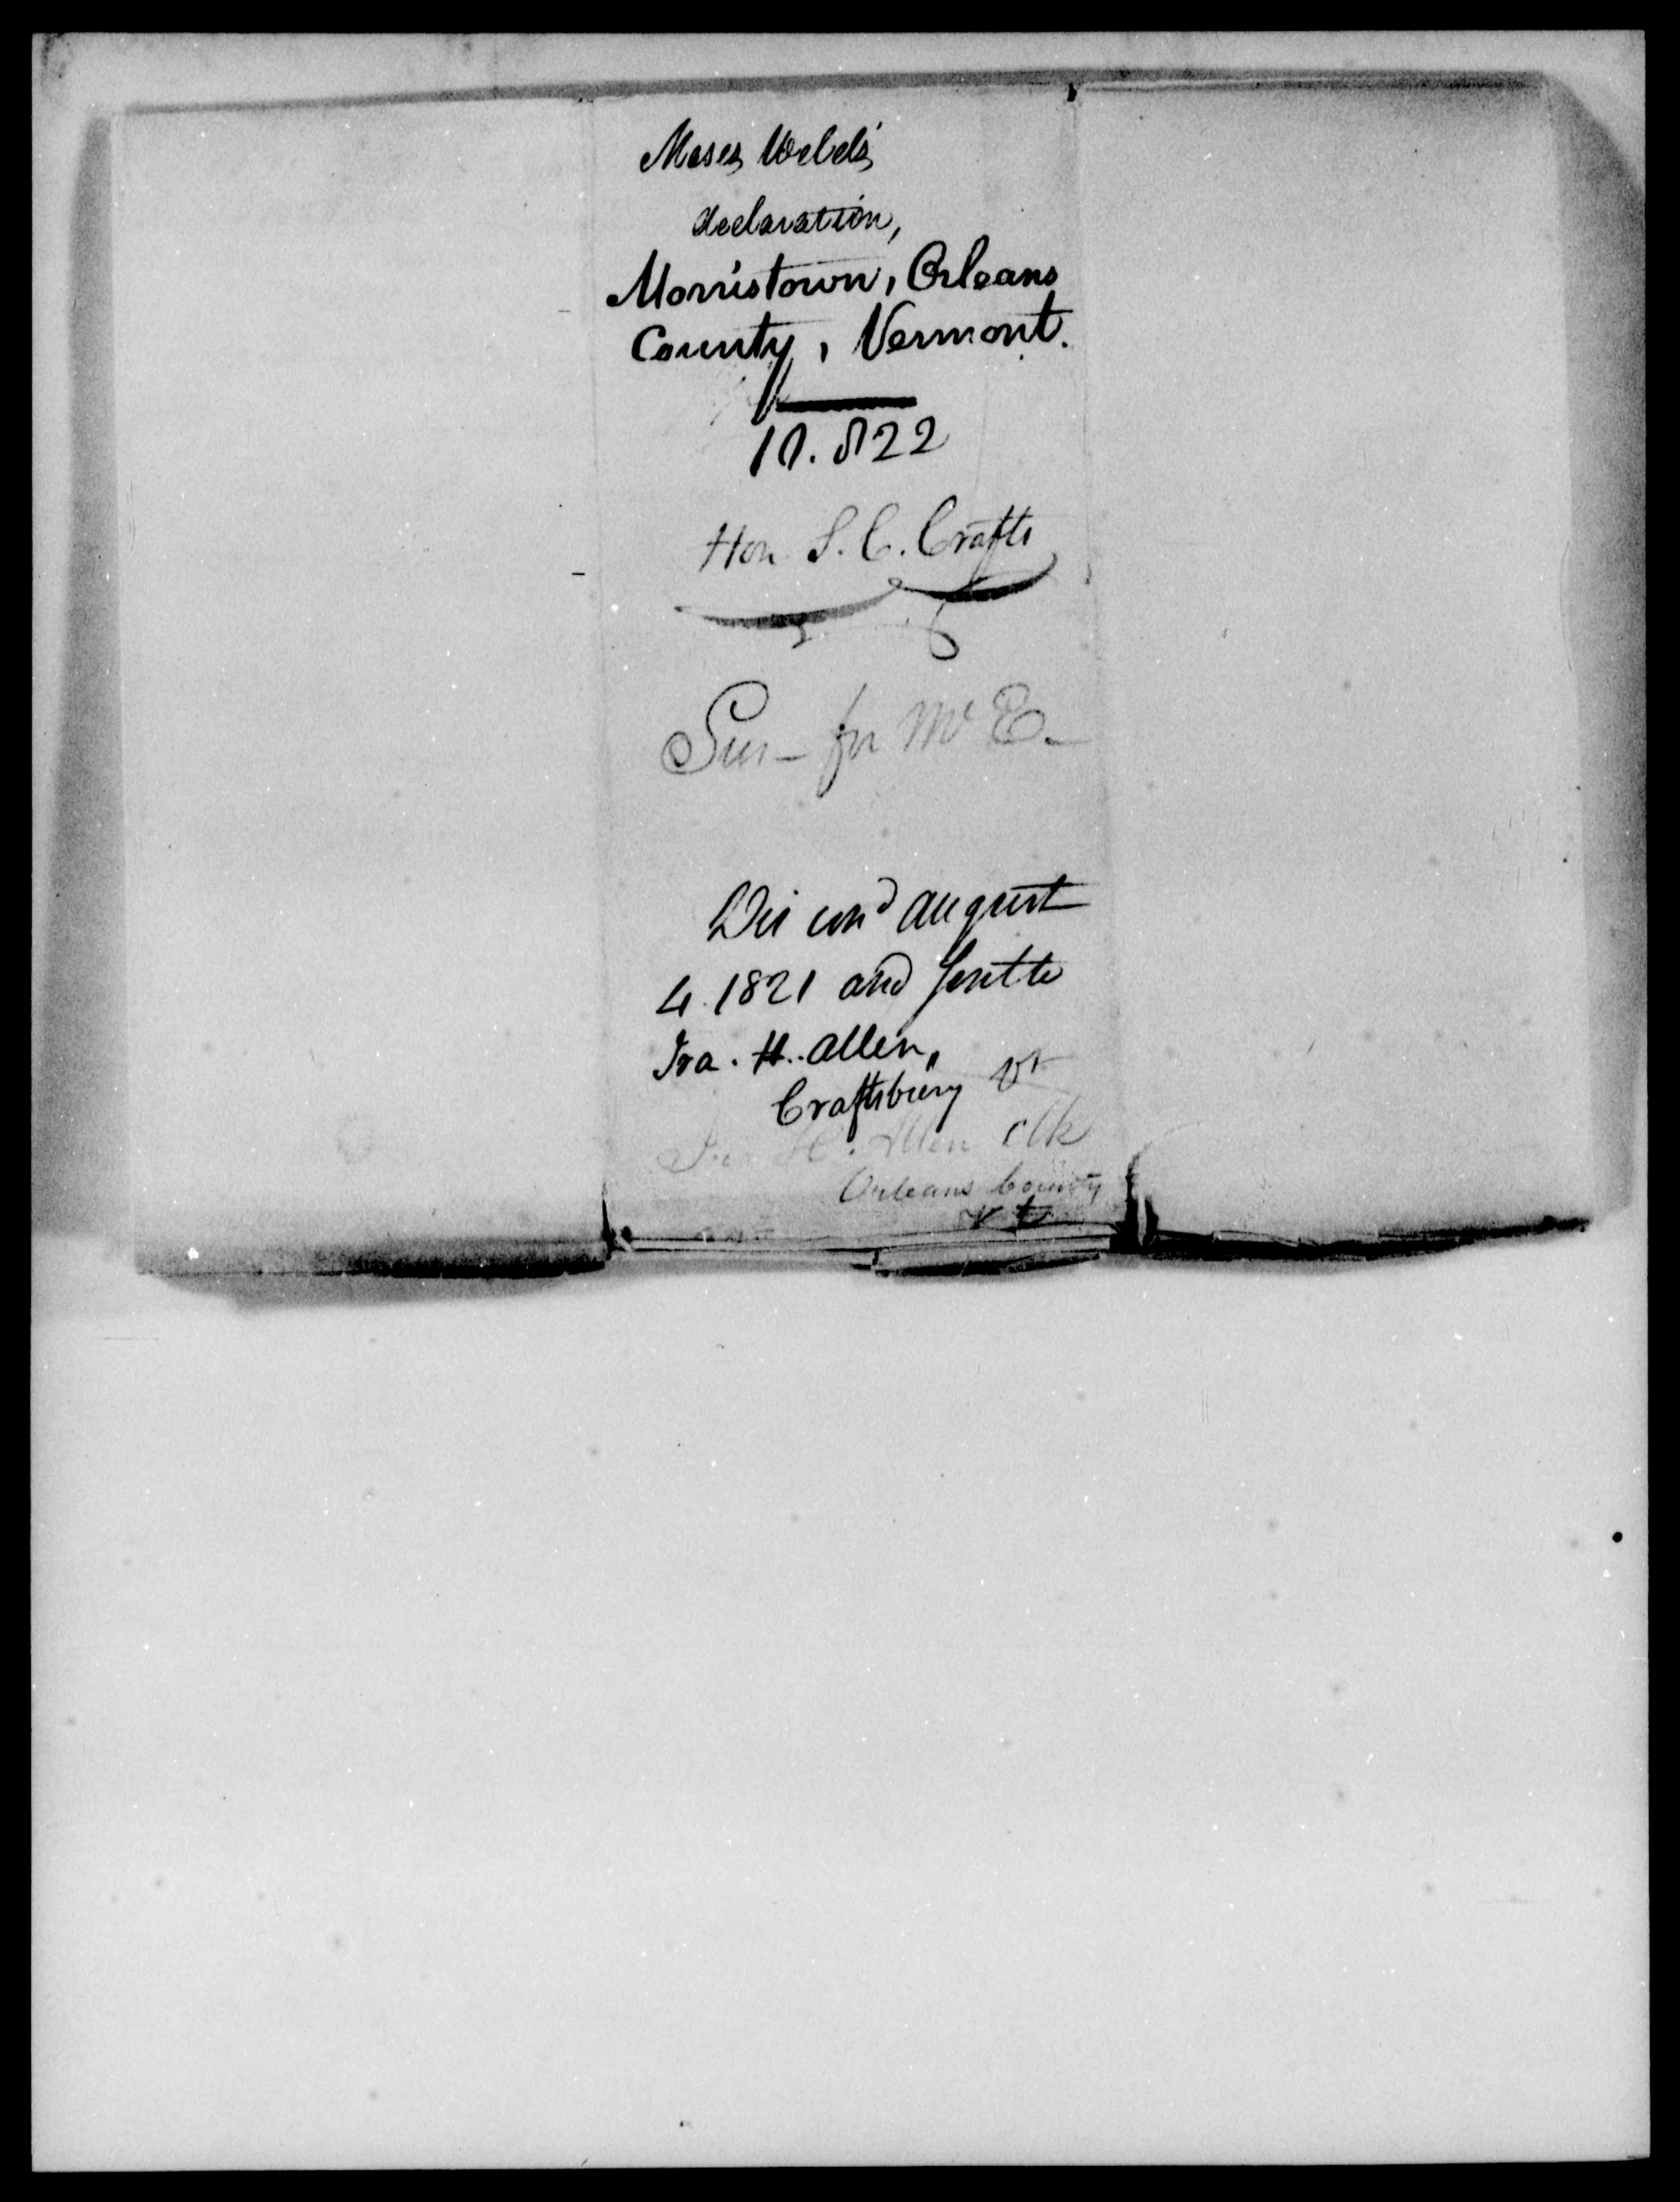Moses Wills
declaration,
Morristown, Orleans
County, Vermont
10.822
Hon S. C. Crafts
Sur_for McE.
Discond August
4. 1821 and sent to
Ira H Allen
Craftsbury, VT
Ira H Allen Clk
Orleans County VT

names: Moses Weld, Ira H Allen, S C Crafts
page: 9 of 87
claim: widow's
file: W. 25,966, Moses Weld, Mass.